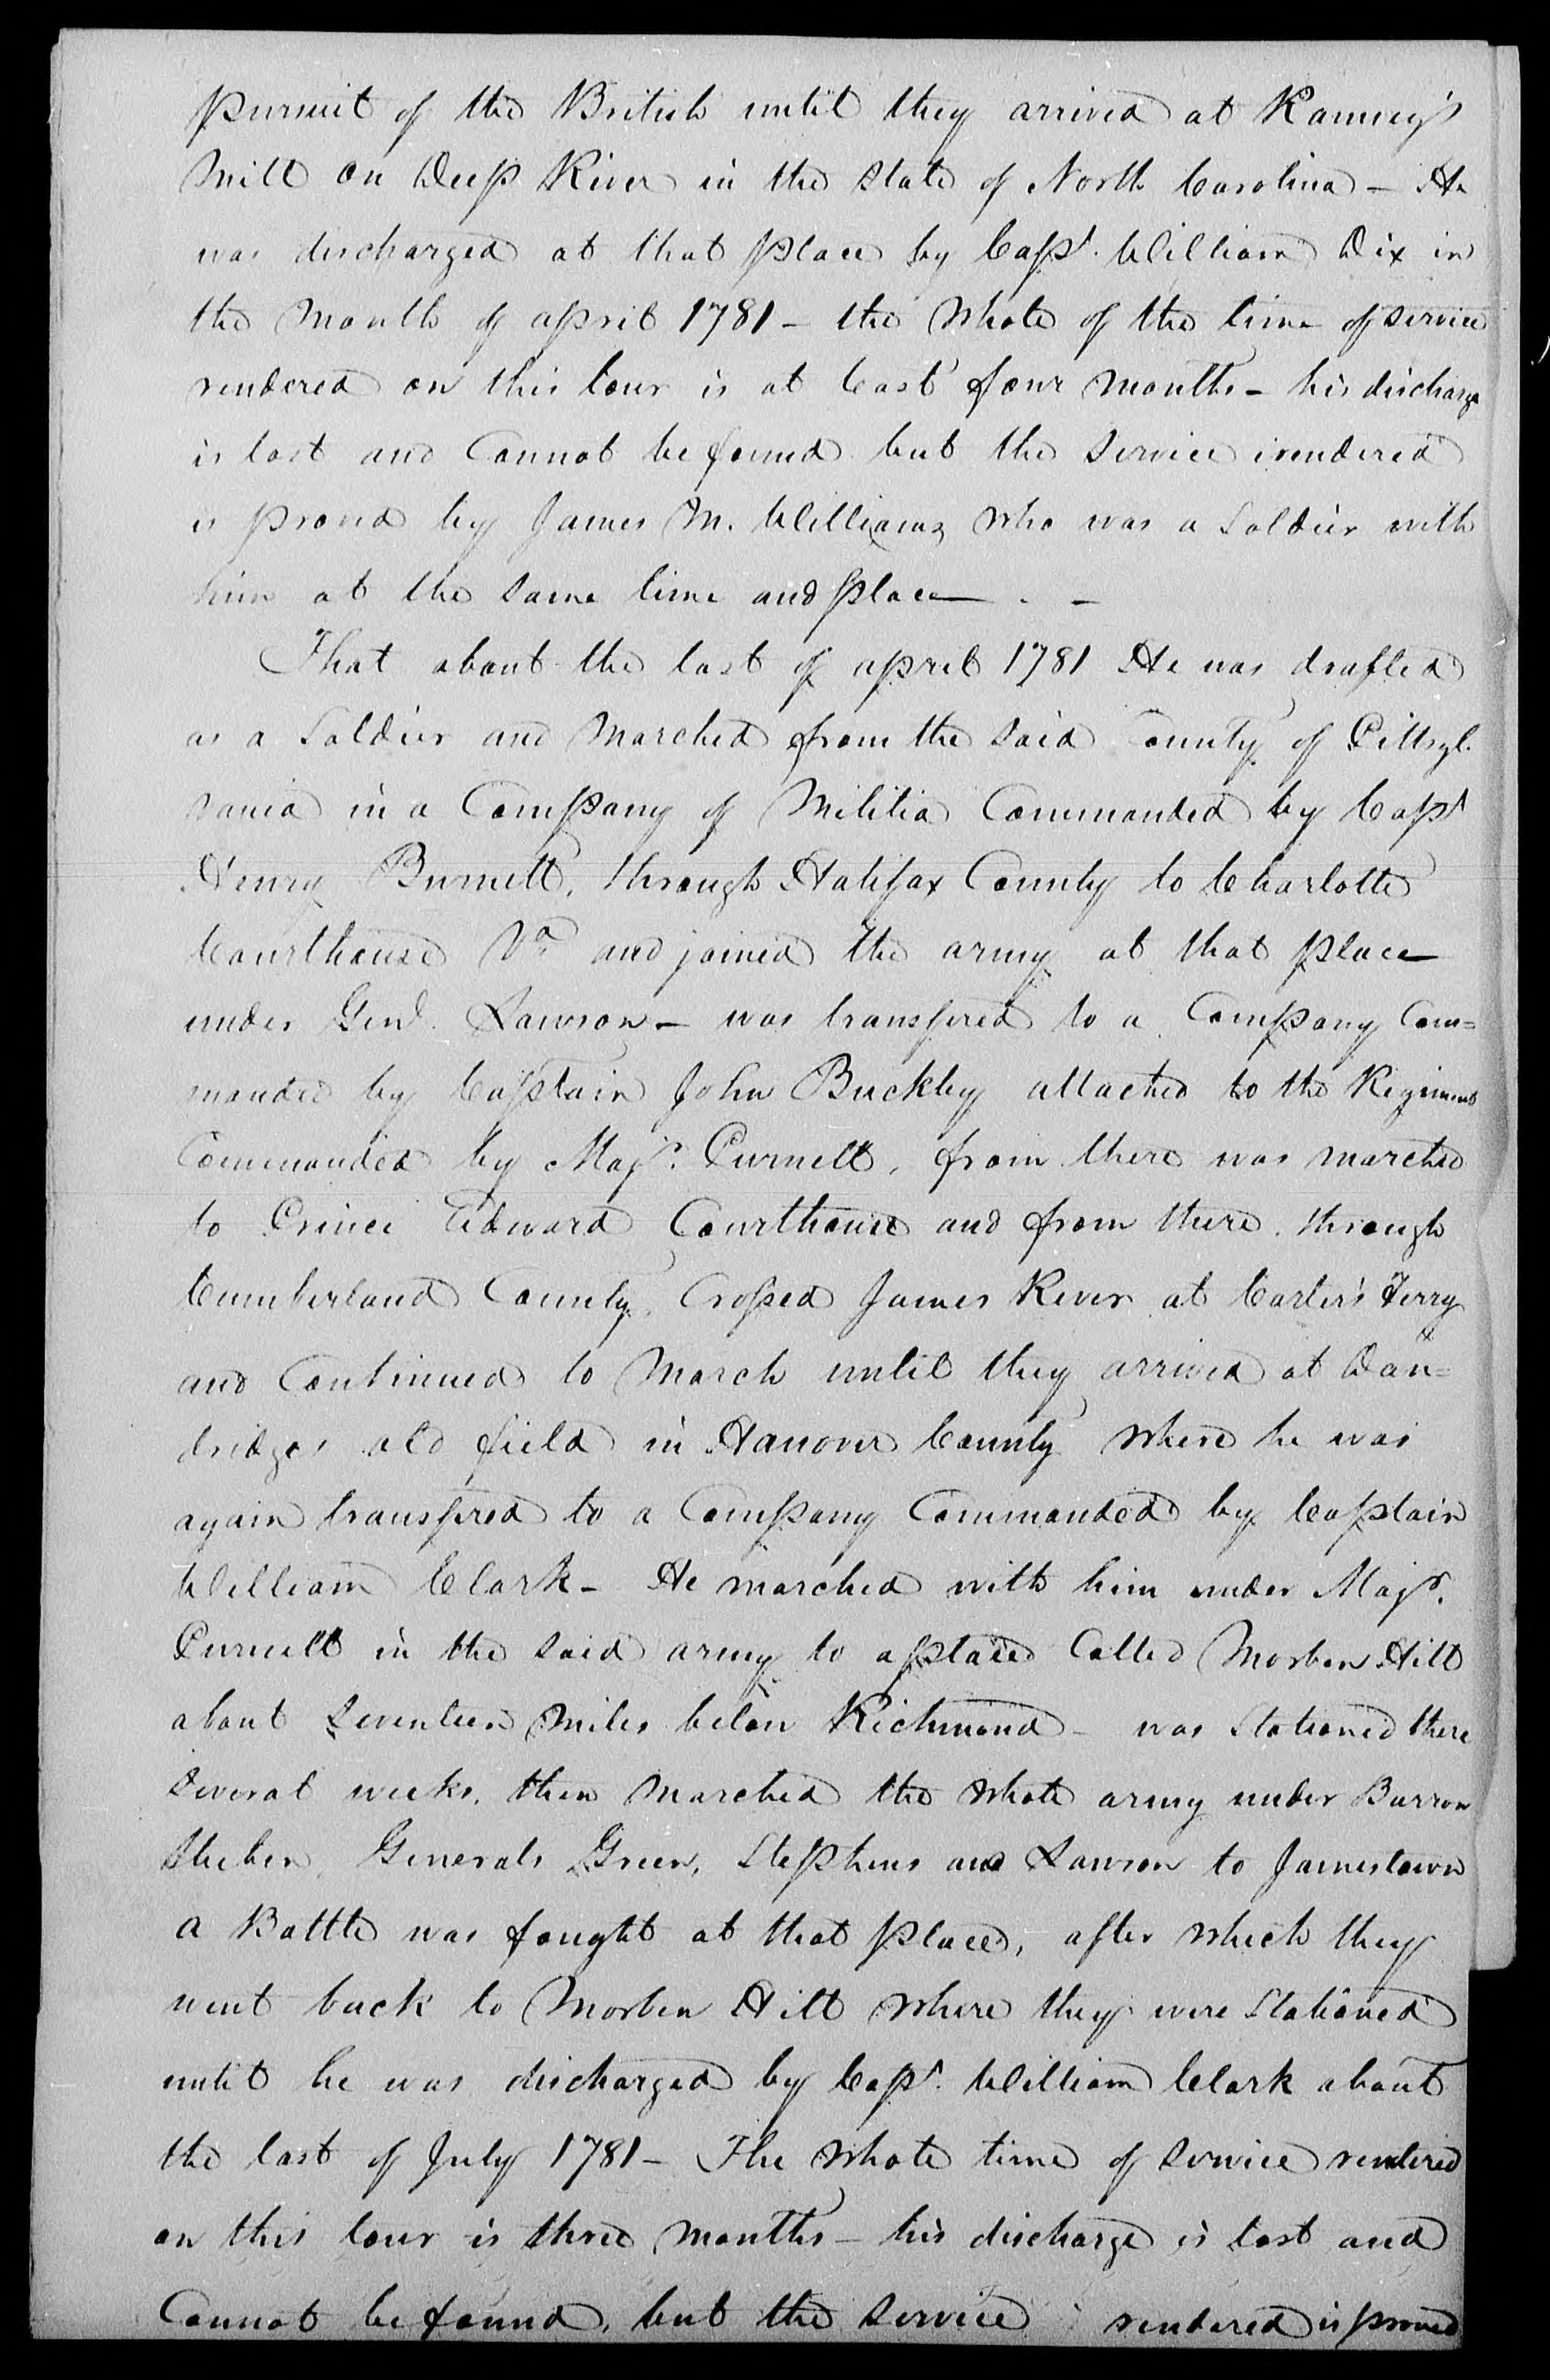pursuit of the British until they arrived at Kaming's Mill on Deep River in the State of North Carolina - He was discharged at that place by Capt. William Dix in the month of April 1781 - the Whole of the time of service rendered on this tour is at least four months - his discharge is lost and Cannot be found but the Service rendered is proved by James M Williams, who was a soldier with him at the same time and place. - 
That about the last of April 1781 He was drafted as a soldier and marched from the said County of Pittsylvania in a Company of Militia Commanded by Capt. Henry BEnnett, through Halifax County to Charlotte Courthouse Va and joined the army at that place under Genl Lawson - was transfered to a Company Commanded by Captain John Buckley attached to the Regiment Commanded by Maj.  Burnett, from there was marched to Prince Edward Courthouse and from there through Cumberland County crossed James River at Carter's Ferry and Continued to March until they arrived at Dandridge gate field in Hanover County when he was again transfered to a Company Commanded by Captain William Clark - He marched with him under Majr. Burnett in the said army to a placed called Morban Hill about Seventeen miles below Richmond - was stationed there several weeks, then marched the whole army under Burrow Shehan, Generals Green, Stephans and Lawson to Jamestown. a Battle was fought at that place, after which they went back to Morben Hill where they were stationed until he was discharged by Capt. William Clark about the last of July 1781 - The whole time of service rendered on this tour is three months - his discharge is lost and cannot be found, but the service rendered is proved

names: Green, Henry Burnett, William Clark, Lawson, William Dix, William Clark, Lawson, James M Williams, Stephens, John Buckley, Purnell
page: 16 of 81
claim: widow's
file: W. 7262, Robert Ferguson, Va.